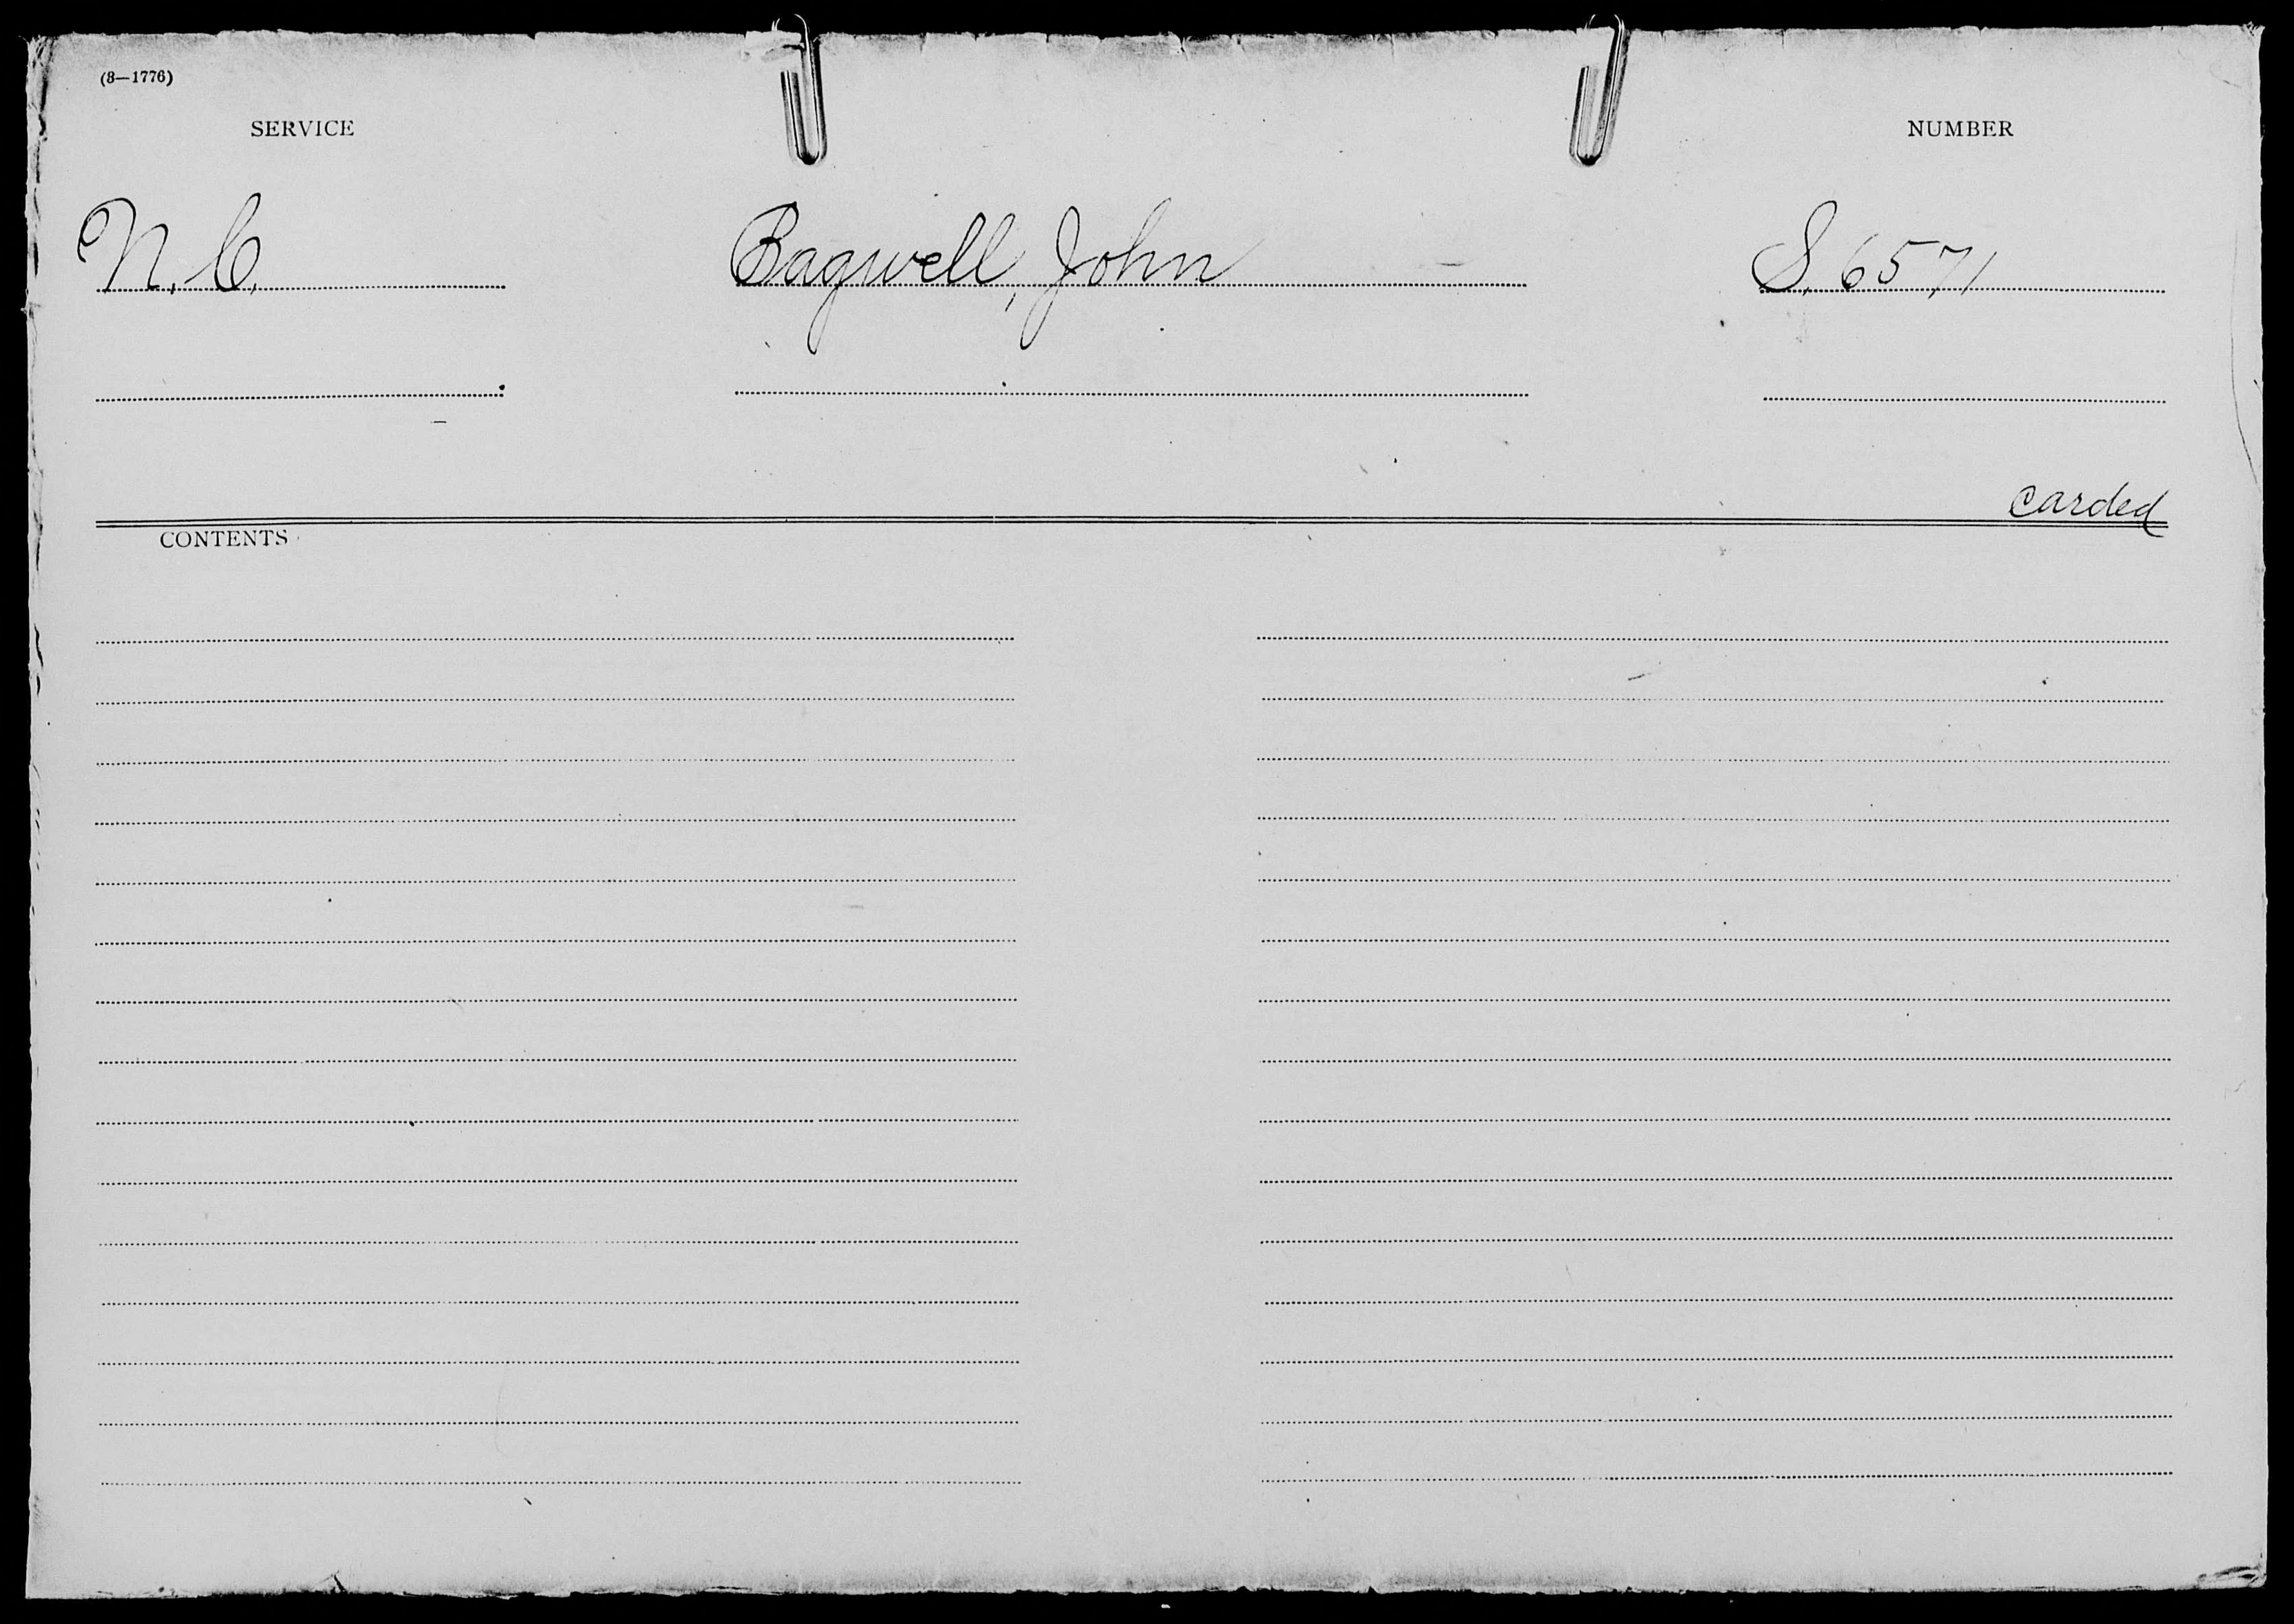(8 - 1776)
SERVICE
N.C.
CONTENTS
Bagwell, John
NUMBER
S. 6571
carded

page: 1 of 36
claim: survivor's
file: S 6571, John Bagwell, N.C.